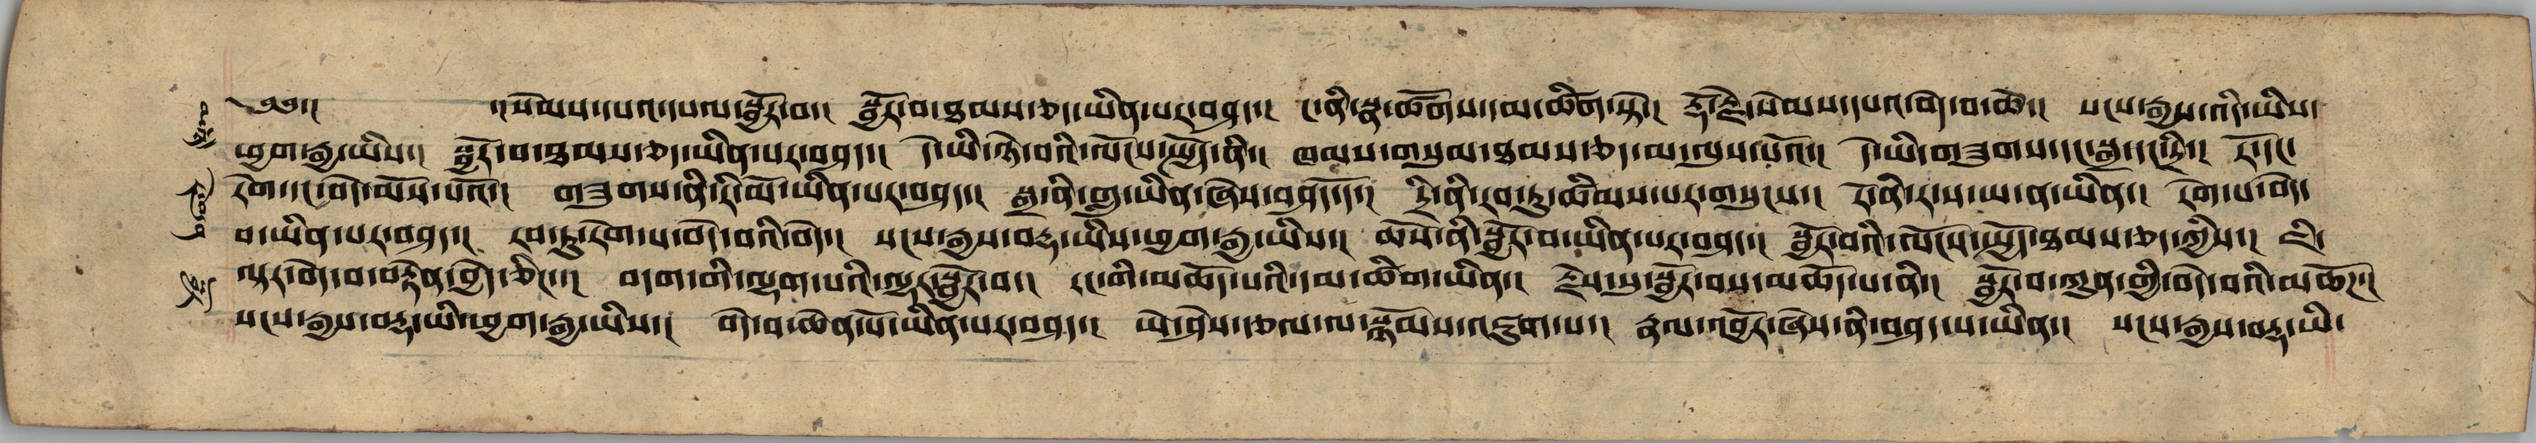༄༅་། སེམས་དཔའ་དཔལ་སྦྱོར་བ་། སྦྱོར་བ་ཐམས་ཅད་ཡིན་པར་བཤད་། ང་ནི་སྣ་ཚོགས་དམ་ཚིག་སྟེ་། རྡོ་རྗེ་སེམས་དཔའ་བདེ་བ་ཆེ་། སངས་རྒྱས་འདི་ཡིས་
ཕྱག་རྒྱ་ཡིས་། སྦྱོར་བ་ཐམས་ཅད་ཡིན་པར་བཤད་། དེ་ཡི་ཉེ་བའི་ལོངས་སྤྱོད་ནི་། ཁམས་གསུམ་ཐམས་ཅད་མ་ལུས་པའོ་། དེ་ཡི་གཟུགས་དང་སྒྲ་དང་དྲི་། རོ་དང་
རེག་དང་བདེ་མོས་པའོ་། གཟུགས་ནི་རི་མོ་ཡིན་པར་བཤད་། སྒྲ་ནི་གླུ་ཡིན་ཞེས་བཤད་དོ་། དྲི་ནི་རབ་ཏུ་ཚིམས་པར་གསུངས་། རོ་ནི་ར་ས་ཡ་ན་ཡིན་། རེག་པ་བདེ་
བ་ཡིན་པར་བཤད་། རབ་ཏུ་རེག་པ་བདེ་བའི་བདེ་། སངས་རྒྱས་བརྡ་ཡིས་ཕྱག་རྒྱ་ཡིས་། ཆོས་ནི་སྦྱོར་བ་ཡིན་པར་བཤད་། སྦྱོར་བའི་ལོངས་སྤྱོད་ཐམས་ཅད་ཀྱིས་། ཇི་
ལྟར་བདེ་བ་བརྟེན་བྱེད་ཅིང་་། བདག་གི་ལྷག་པའི་ལྷར་སྦྱོར་བ་། རང་གི་མཆོད་པའི་དམ་ཚིག་ཡིན་། རྗེས་སུ་སྦྱོར་བས་མཆོད་པ་ནི་། སྦྱོར་བ་ཀུན་གྱི་བདེ་བའི་མཆོཌ་།
སངས་རྒྱས་བརྡ་ཡི་ཕྱག་རྒྱ་ཡིས་། བདེ་བ་ཆེན་པོ་ཡིན་པར་བཤད་། ཡེ་ཤེས་རྩལ་ལ་སྙོམས་འཇུག་པ་། རྣལ་འབྱོར་ཞེས་ནི་བཤད་པ་ཡིན་། སངས་རྒྱས་བརྡ་ཡི་